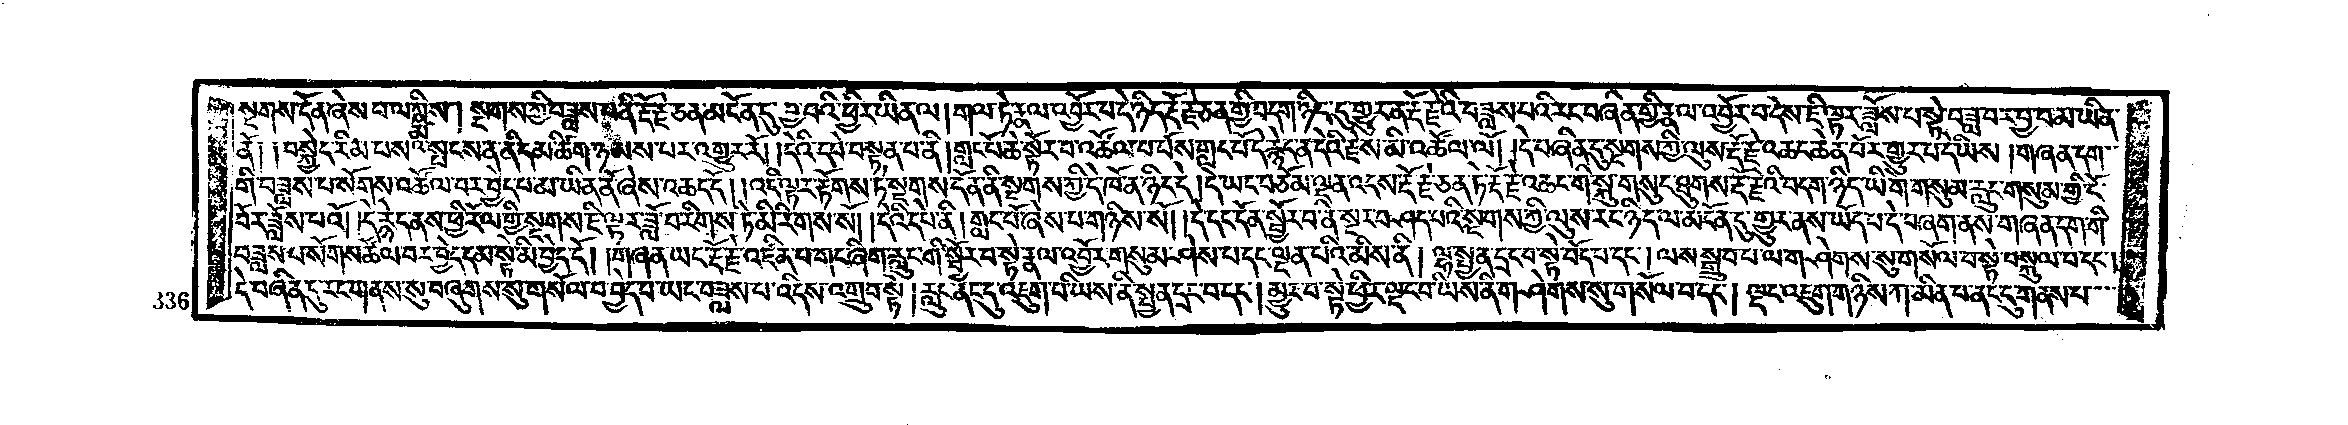སྔགས་དོན་ཞེས་པ་ལཀྵྨཱིས། སྔགས་ཀྱི་བཟླས་པ་ནི་རྡོ་རྗེ་ཅན་མངོན་དུ་བྱ་བའི་ཕྱིར་ཡིན་ལ། གལ་ཏེ་རྣལ་འབྱོར་པ་དེ་ཉིད་རྡོ་རྗེ་ཅན་གྱི་བདག་ཉིད་དུ་གྱུར་ན་རྡོ་རྗེའི་བཟླས་པའི་རང་བཞིན་གྱི་རྣལ་འབྱོར་པ་དེས་ཇི་ལྟར་ཟློས་པ་སྟེ་བཟླ་བར་བྱ་བ་མ་ཡིན་
ནོ། །བསྐྱེད་རིམ་པས་སྤངས་ན་ནི་དམ་ཚིག་ཉམས་པར་འགྱུར་རོ། །དེའི་དཔེ་བསྟན་པ་ནི། གླང་པོ་ཆེ་སྟོར་བ་འཚོལ་བ་པོས་གླང་པོ་དེ་རྙེད་ན་དེའི་རྗེས་མི་འཚོལ་ལོ། །དེ་བཞིན་དུ་སྔགས་ཀྱི་ལུས་རྡོ་རྗེ་འཆང་ཆེན་པོར་གྱུར་པ་དེ་ཡིས། གཞན་དག་
གི་བཟླས་པ་སོགས་འཚོལ་བར་བྱེད་པ་མ་ཡིན་ནོ་ཞེས་འཆད་དོ། །འདི་ལྟར་རྟོགས་ཏེ་སྔགས་དོན་ནི་སྔགས་ཀྱི་དེ་ཁོ་ན་ཉིད་དེ། དེ་ཡང་བཅོམ་ལྡན་འདས་རྡོ་རྗེ་ཅན་ཏེ་རྡོ་རྗེ་འཆང་གི་སྐུ་གསུང་ཐུགས་རྡོ་རྗེའི་བདག་ཉིད་ཡི་གེ་གསུམ་རླུང་གསུམ་གྱི་ངོ་
བོར་ཟློས་པའོ། །དེ་རྙེད་ནས་ཕྱི་རོལ་གྱི་སྔགས་ཇི་ལྟར་ཟློ་བ་རིགས་ཏེ་མི་རིགས་སོ། །དེའི་དཔེ་ནི། གླང་པོ་ཞེས་པ་གཉིས་སོ། །དེ་དང་དོན་སྦྱོར་བ་ནི་སྔར་བཤད་པའི་སྔགས་ཀྱི་ལུས་རང་ཉིད་ལ་མངོན་དུ་གྱུར་ནས་ཡོད་པ་དེ་བཞག་ནས་གཞན་དག་གི་
བཟླས་པ་སོགས་ཚོལ་བར་བྱེད་དམ་སྟེ་མི་བྱེད་དོ། །གཞན་ཡང་རྡོ་རྗེ་འཛིན་པ་གང་ཞིག་རླུང་གི་སྦྱོར་བ་སྟེ་རྣལ་འབྱོར་གསུམ་ཤེས་པ་དང་ལྡན་པའི་མིས་ནི། ལྷ་སྤྱན་དྲང་བ་སྟེ་བོད་པ་དང་། ལས་སྒྲུབ་པ་ལ་གཤེགས་སུ་གསོལ་བ་སྟེ་བསྐུལ་བ་དང་།
དེ་བཞིན་དུ་རང་གནས་སུ་བཞུགས་སུ་གསོལ་བ་བྱེད་པ་ཡང་བཟླས་པ་འདིས་འགྲུབ་སྟེ། རླུང་ནང་དུ་འཇུག་པ་ཡིས་ནི་སྤྱན་དྲང་བ་དང་། མྱུར་བ་སྟེ་ཕྱིར་ལྡང་བ་ཡིས་ནི་གཤེགས་སུ་གསོལ་བ་དང་། ལྡང་འཇུག་གཉིས་ཀ་མིན་པ་ནང་དུ་གནས་པ་